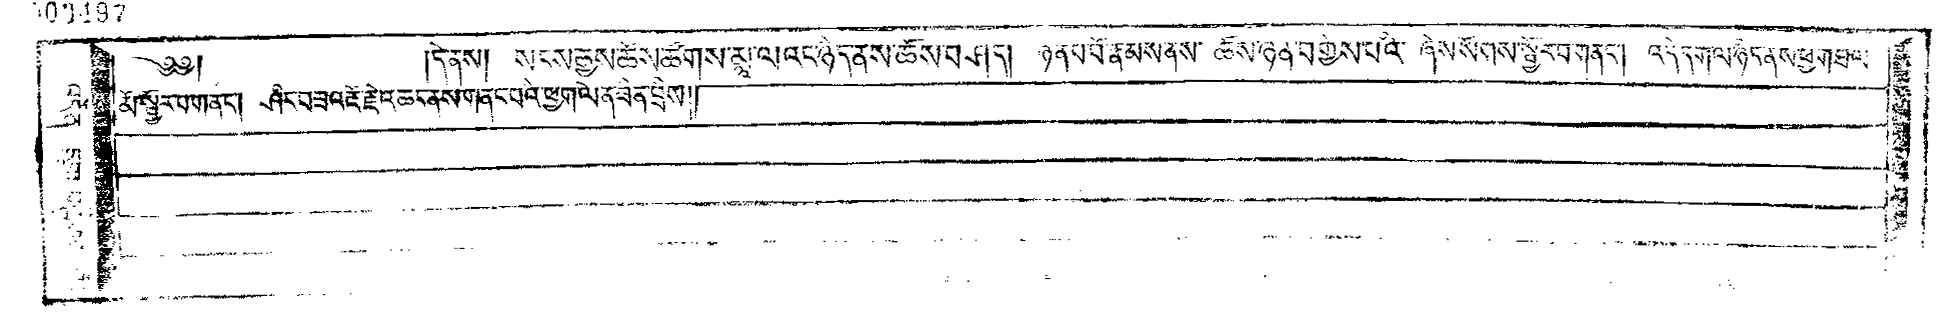༄༅། །དེ་ནས། སངས་རྒྱས་ཆོས་ཚོགས་མ ༣་ལའང་ཉིད་ནས་ཆོས་བཤད། ཉན་པ་པོ་རྣམས་ནས་ཆོས་ཉན་བགྱིས་པའི་ཞེས་སོགས་སྦྱོར་བ་གནང་། འདི་དག་ལ་ཉིད་ནས་ཕྱག་ཐལ་
མོ་སྦྱོར་བ་གནང་། ཤི་བཟའ་རྡོ་རྗེ་འཆང་ནས་གནང་བའི་ཕྱག་ལེན་ཟིན་བྲིས། །